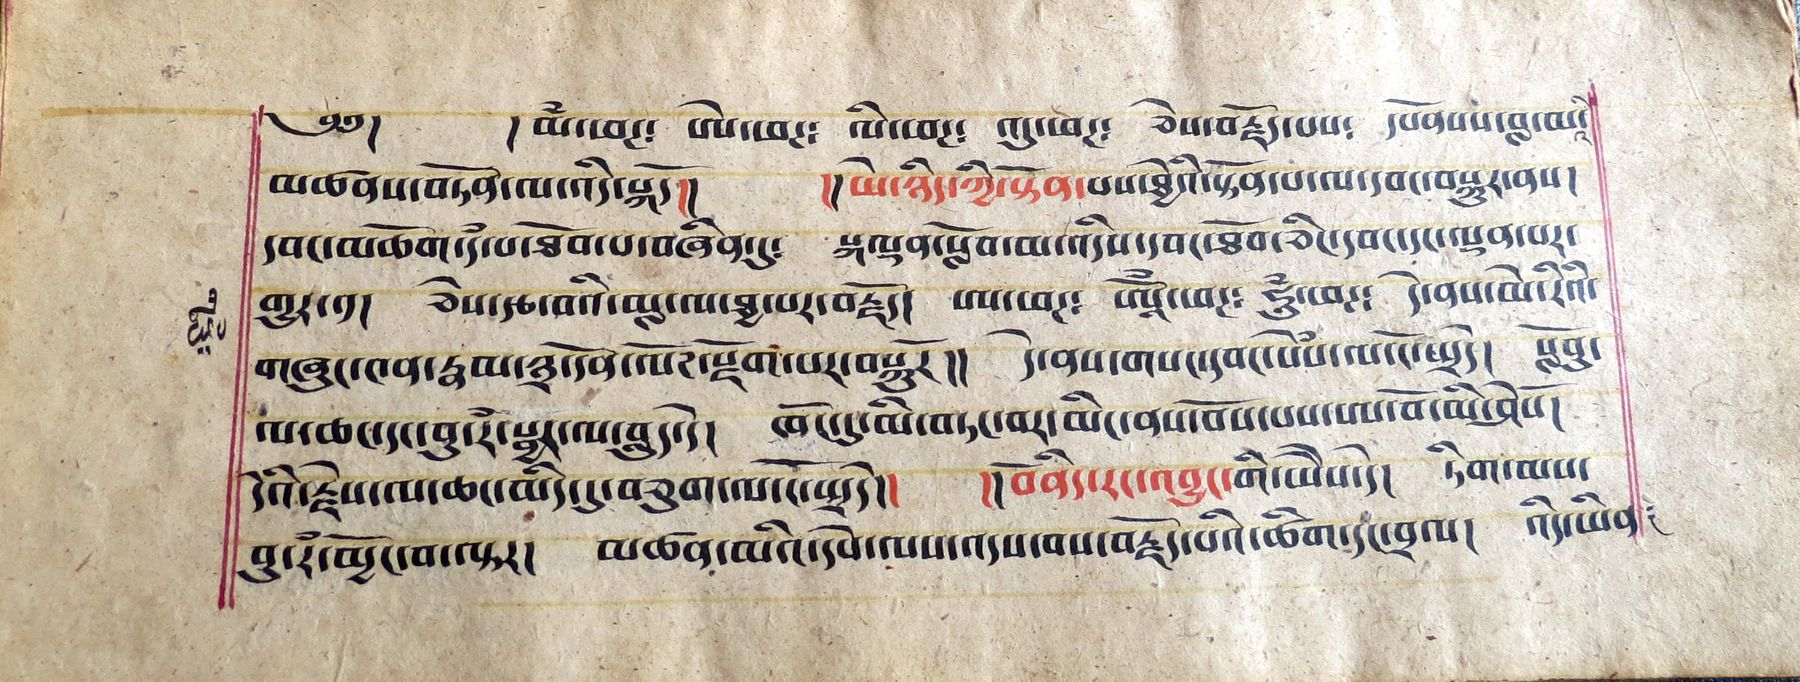མཾ་ཕཊཿ ཨེ་ཕཊཿ ལི་ཕཊཿ འདུ་ཕཊཿ ཅེས་བརྗོད་པས། དཔོན་གསས་བླ་མའི་
མཚན་ནས་བཏོན་ལ་འདི་སྐད་དོ། ། ཡེ་ཉིད་སྟོན་པས་ཐུགས་རྗེས་སྟོན་པ་ལ་དབང་བསྐུར་ནས། 
དབང་མཆོག་དམ་པ་ཐོབ་པ་བཞིན་དུ། སྐལ་ལྡན་སློབ་མ་འདིས་དབང་དབང་ཐོབ་ཅིང་དབང་དང་ལྡན་པར་
གྱུར་ཅིག། ། ཅེས་རྩ་བའི་བླ་མ་ལ་ཐུག་པར་བརྗོད། ཨ་ཕཊཿ ཨཱོྃ་ཕཊཿ ཧཱུྃ་ཕཊཿ དེ་ནས་མེ་རིའི་
གཞུང་བཞིན་རྣམས་གསུམ་དོན་ལ་སོགས་རྫོགས་པར་བསྐུར་རོ། ། དེ་ནས་གསང་དབང་སེམས་ལ་ངོ་སྤྲད་དེ། སློབ་བུ་
ལ་ཆང་དང་བུ་རམ་སྦྱར་ལ་བླུད་དེ། ཁོང་དུ་མི་གཏོང་པར་མིང་ནས་བོས་པས་ཨ་བོ་མི་ཤེས་སོ། ། 
དེའི་རྗེས་ལ་ཆང་མིད་དུ་བཅུག་ལ་ངོ་སྤྲད་དོ། ། བོན་ཉིད་རང་འབྱུང་གི་ཡེ་ཤེས་དེ། དིག་མས་
བུ་རམ་མྱོང་བ་ལྟར། མཚན་མའི་དཔེ་ལས་འདས་པས་བརྗོད་པའི་ཚིག་དང་བྲལ། འདི་ཡིན་